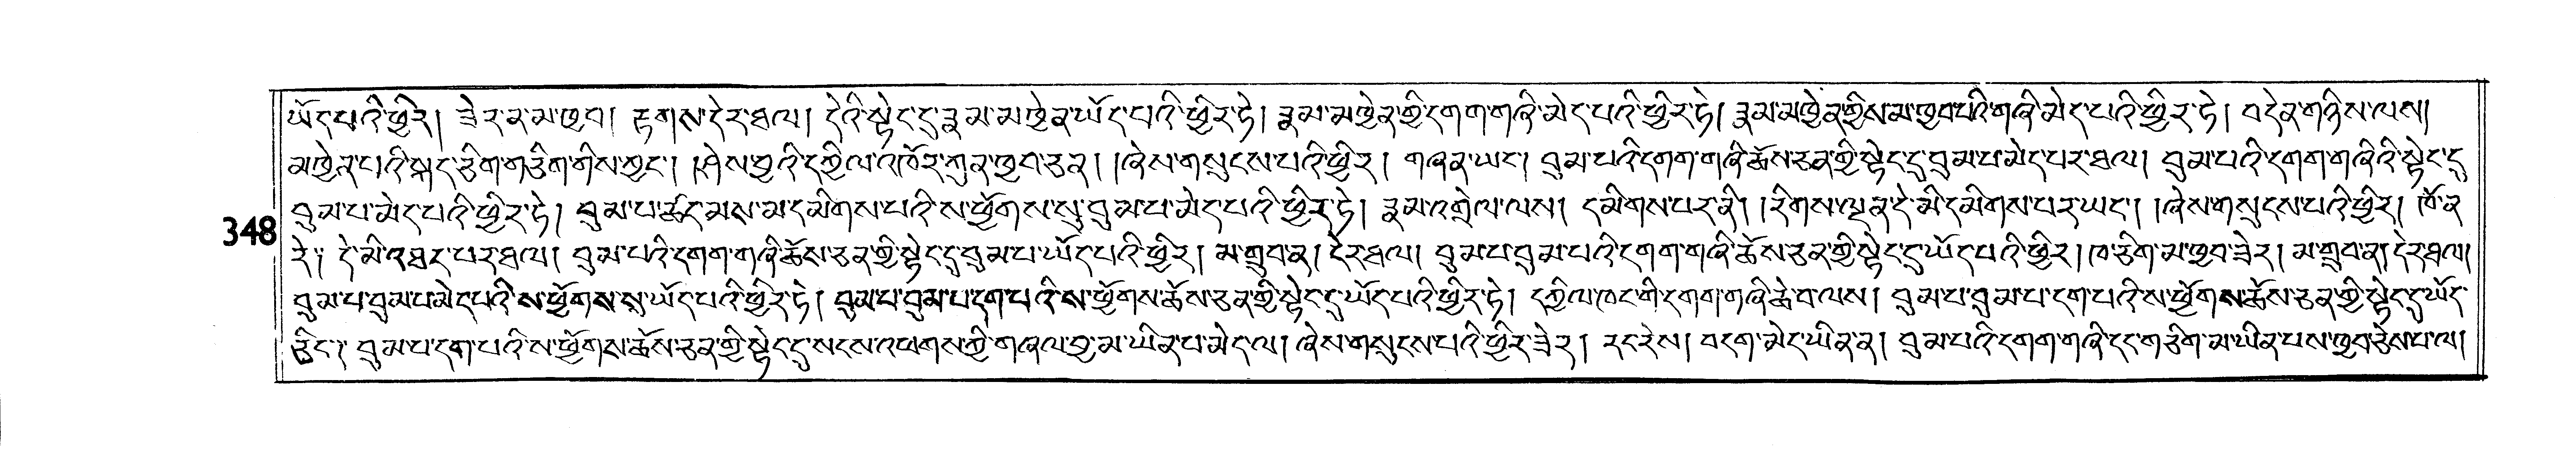ཡོད་པའི་ཕྱིར། ཟེར་ན་མ་ཁྱབ། རྟགས་དེར་ཐལ། དེའི་སྟེང་དུ་རྣམ་མཁྱེན་ཡོད་པའི་ཕྱིར་ཏེ། རྣམ་མཁྱེན་གྱི་དགག་གཞི་མེད་པའི་ཕྱིར་ཏེ། རྣམ་མཁྱེན་གྱིས་མ་ཁྱབ་པའི་གཞི་མེད་པའི་ཕྱིར་ཏེ། བདེན་གཉིས་ལས།
མཁྱེན་པའི་སྐད་ཅིག་གཅིག་གིས་ཀྱང་། །ཤེས་བྱའི་དཀྱིལ་འཁོར་ཀུན་ཁྱབ་ཅན། །ཞེས་གསུངས་པའི་ཕྱིར། གཞན་ཡང་། བུམ་པའི་དགག་གཞི་ཆོས་ཅན་གྱི་སྟེང་དུ་བུམ་པ་མེད་པར་ཐལ། བུམ་པའི་དགག་གཞིའི་སྟེང་དུ་
བུམ་པ་མེད་པའི་ཕྱིར་ཏེ། བུམ་པ་ཚད་མས་མ་དམིགས་པའི་ས་ཕྱོགས་སུ་བུམ་པ་མེད་པའི་ཕྱིར་ཏེ། རྣམ་འགྲེལ་ལས། དམིགས་པར་ནི། །རིགས་ལྡན་དེ་མི་དམིགས་པར་ཡང་། །ཞེས་གསུངས་པའི་ཕྱིར། ཁོ་ན་
རེ༑ དེ་མི་འཐད་པར་ཐལ། བུམ་པའི་དགག་གཞི་ཆོས་ཅན་གྱི་སྟེང་དུ་བུམ་པ་ཡོད་པའི་ཕྱིར། མ་གྲུབ་ན། དེར་ཐལ། བུམ་པ་བུམ་པའི་དགག་གཞི་ཆོས་ཅན་གྱི་སྟེང་དུ་ཡོད་པའི་ཕྱིར། ཁ་ཅིག་མ་ཁྱབ་ཟེར། མ་གྲུབ་ན། དེར་ཐལ།
བུམ་པ་བུམ་པ་མེད་པའི་ས་ཕྱོགས་སུ་ཡོད་པའི་ཕྱིར་ཏེ། བུམ་པ་བུམ་པ་དག་པའི་ས་ཕྱོགས་ཆོས་ཅན་གྱི་སྟེང་དུ་ཡོད་པའི་ཕྱིར་ཏེ། དཀྱིལ་ཁང་གི་དགག་གཞི་ཆེ་བ་ལས། བུམ་པ་བུམ་པ་དག་པའི་ས་ཕྱོགས་ཆོས་ཅན་གྱི་སྟེང་དུ་ཡོད་
ཅིང༑ བུམ་པ་དག་པའི་ས་ཕྱོགས་ཆོས་ཅན་གྱི་སྟེང་དུ་སངས་འཕགས་ཀྱི་གཞལ་བྱ་མ་ཡིན་པ་མེད་ལ། ཞེས་གསུངས་པའི་ཕྱིར་ཟེར། རང་རེས། བདག་མེད་ཡིན་ན། བུམ་པའི་དགག་གཞི་དང་གཅིག་མ་ཡིན་པས་ཁྱབ་ཅེས་པ་ལ།